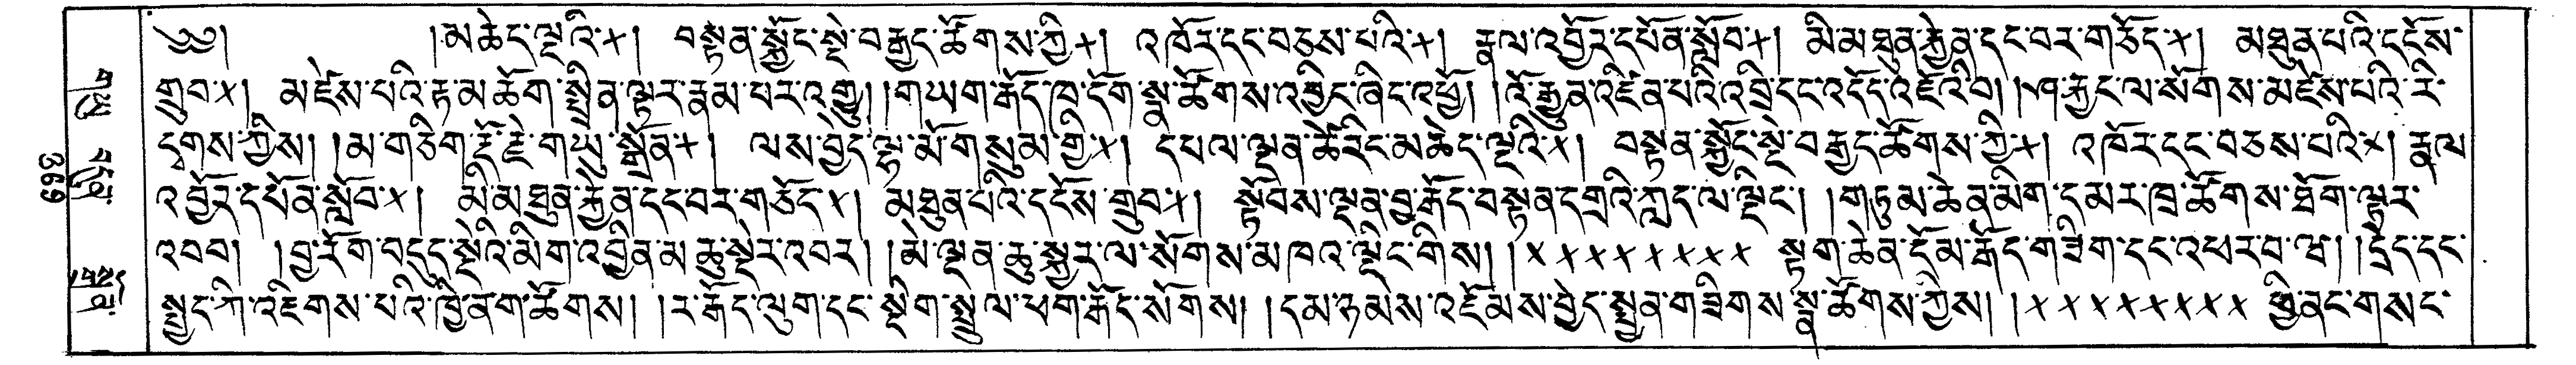༄༅། །མཆེད་ལྔའི། བསྟན་སྐྱོང་སྡེ་བརྒྱད་ཚོགས་ཀྱི། འཁོར་དང་བཅས་པའི། རྣལ་འབྱོར་དཔོན་སློབ། མི་མཐུན་རྐྱེན་དང་བར་གཅོད། མཐུན་པའི་དངོས་
གྲུབ། མཛེས་པའི་རྟ་མཆོག་སྤྲིན་ལྟར་རྣམ་པར་འགྱུ། །གཡག་རྒོད་ཁ་དོག་སྣ་ཚོགས་འགྱིང་ཞིང་འཕྱོ། །འོ་རྒྱུན་འཛིན་པའི་འབྲི་དང་འདོད་འཇོའི་བ། །ཤ་རྐྱང་ལ་སོགས་མཛེས་པའི་རི་
དྭགས་ཀྱིས། །མ་གཅིག་རྡོ་རྗེ་གཡུ་སྒྲོན། ལས་བྱེད་ལྷ་མོ་གསུམ་གྱི། དཔལ་ལྡན་ཚེ་རིང་མཆེད་ལྔའི། བསྟན་སྐྱོང་སྡེ་བརྒྱད་ཚོགས་ཀྱི། འཁོར་དང་བཅས་པའི། རྣལ་
འབྱོར་དཔོན་སློབ། མི་མཐུན་རྐྱེན་དང་བར་གཅོད། མཐུན་པའི་དངོས་གྲུབ། སྟོབས་ལྡན་བྱ་རྒོད་བསྟན་དགྲའི་ཀླད་ལ་ལྡིང་། །གཏུམ་ཆེན་མིག་དམར་ཁྲ་ཚོགས་ཐོག་ལྟར་
འབབ། །བྱ་རོག་བདུད་སྡེའི་མིག་འབྱིན་མཆུ་སྡེར་འབར། །མེ་ལྡན་ཆུ་སྐྱར་ལ་སོགས་མཁའ་ལྡིང་གིས། །སྟག་ཆེན་དོམ་རྒོད་གཟིག་དང་འཕར་བ་ཝ། །དྲེད་དང་
སྤྱང་ཀི་འཇིགས་པའི་ཁྱི་ནག་ཚོགས། །ར་རྒོད་ལུག་དང་སྡིག་སྤྲུལ་ཕག་རྒོད་སོགས། །དམ་ཉམས་འཇོམས་བྱེད་སྤྱན་གཟིགས་སྣ་ཚོགས་ཀྱིས། །ཕྱི་ནང་གསང་